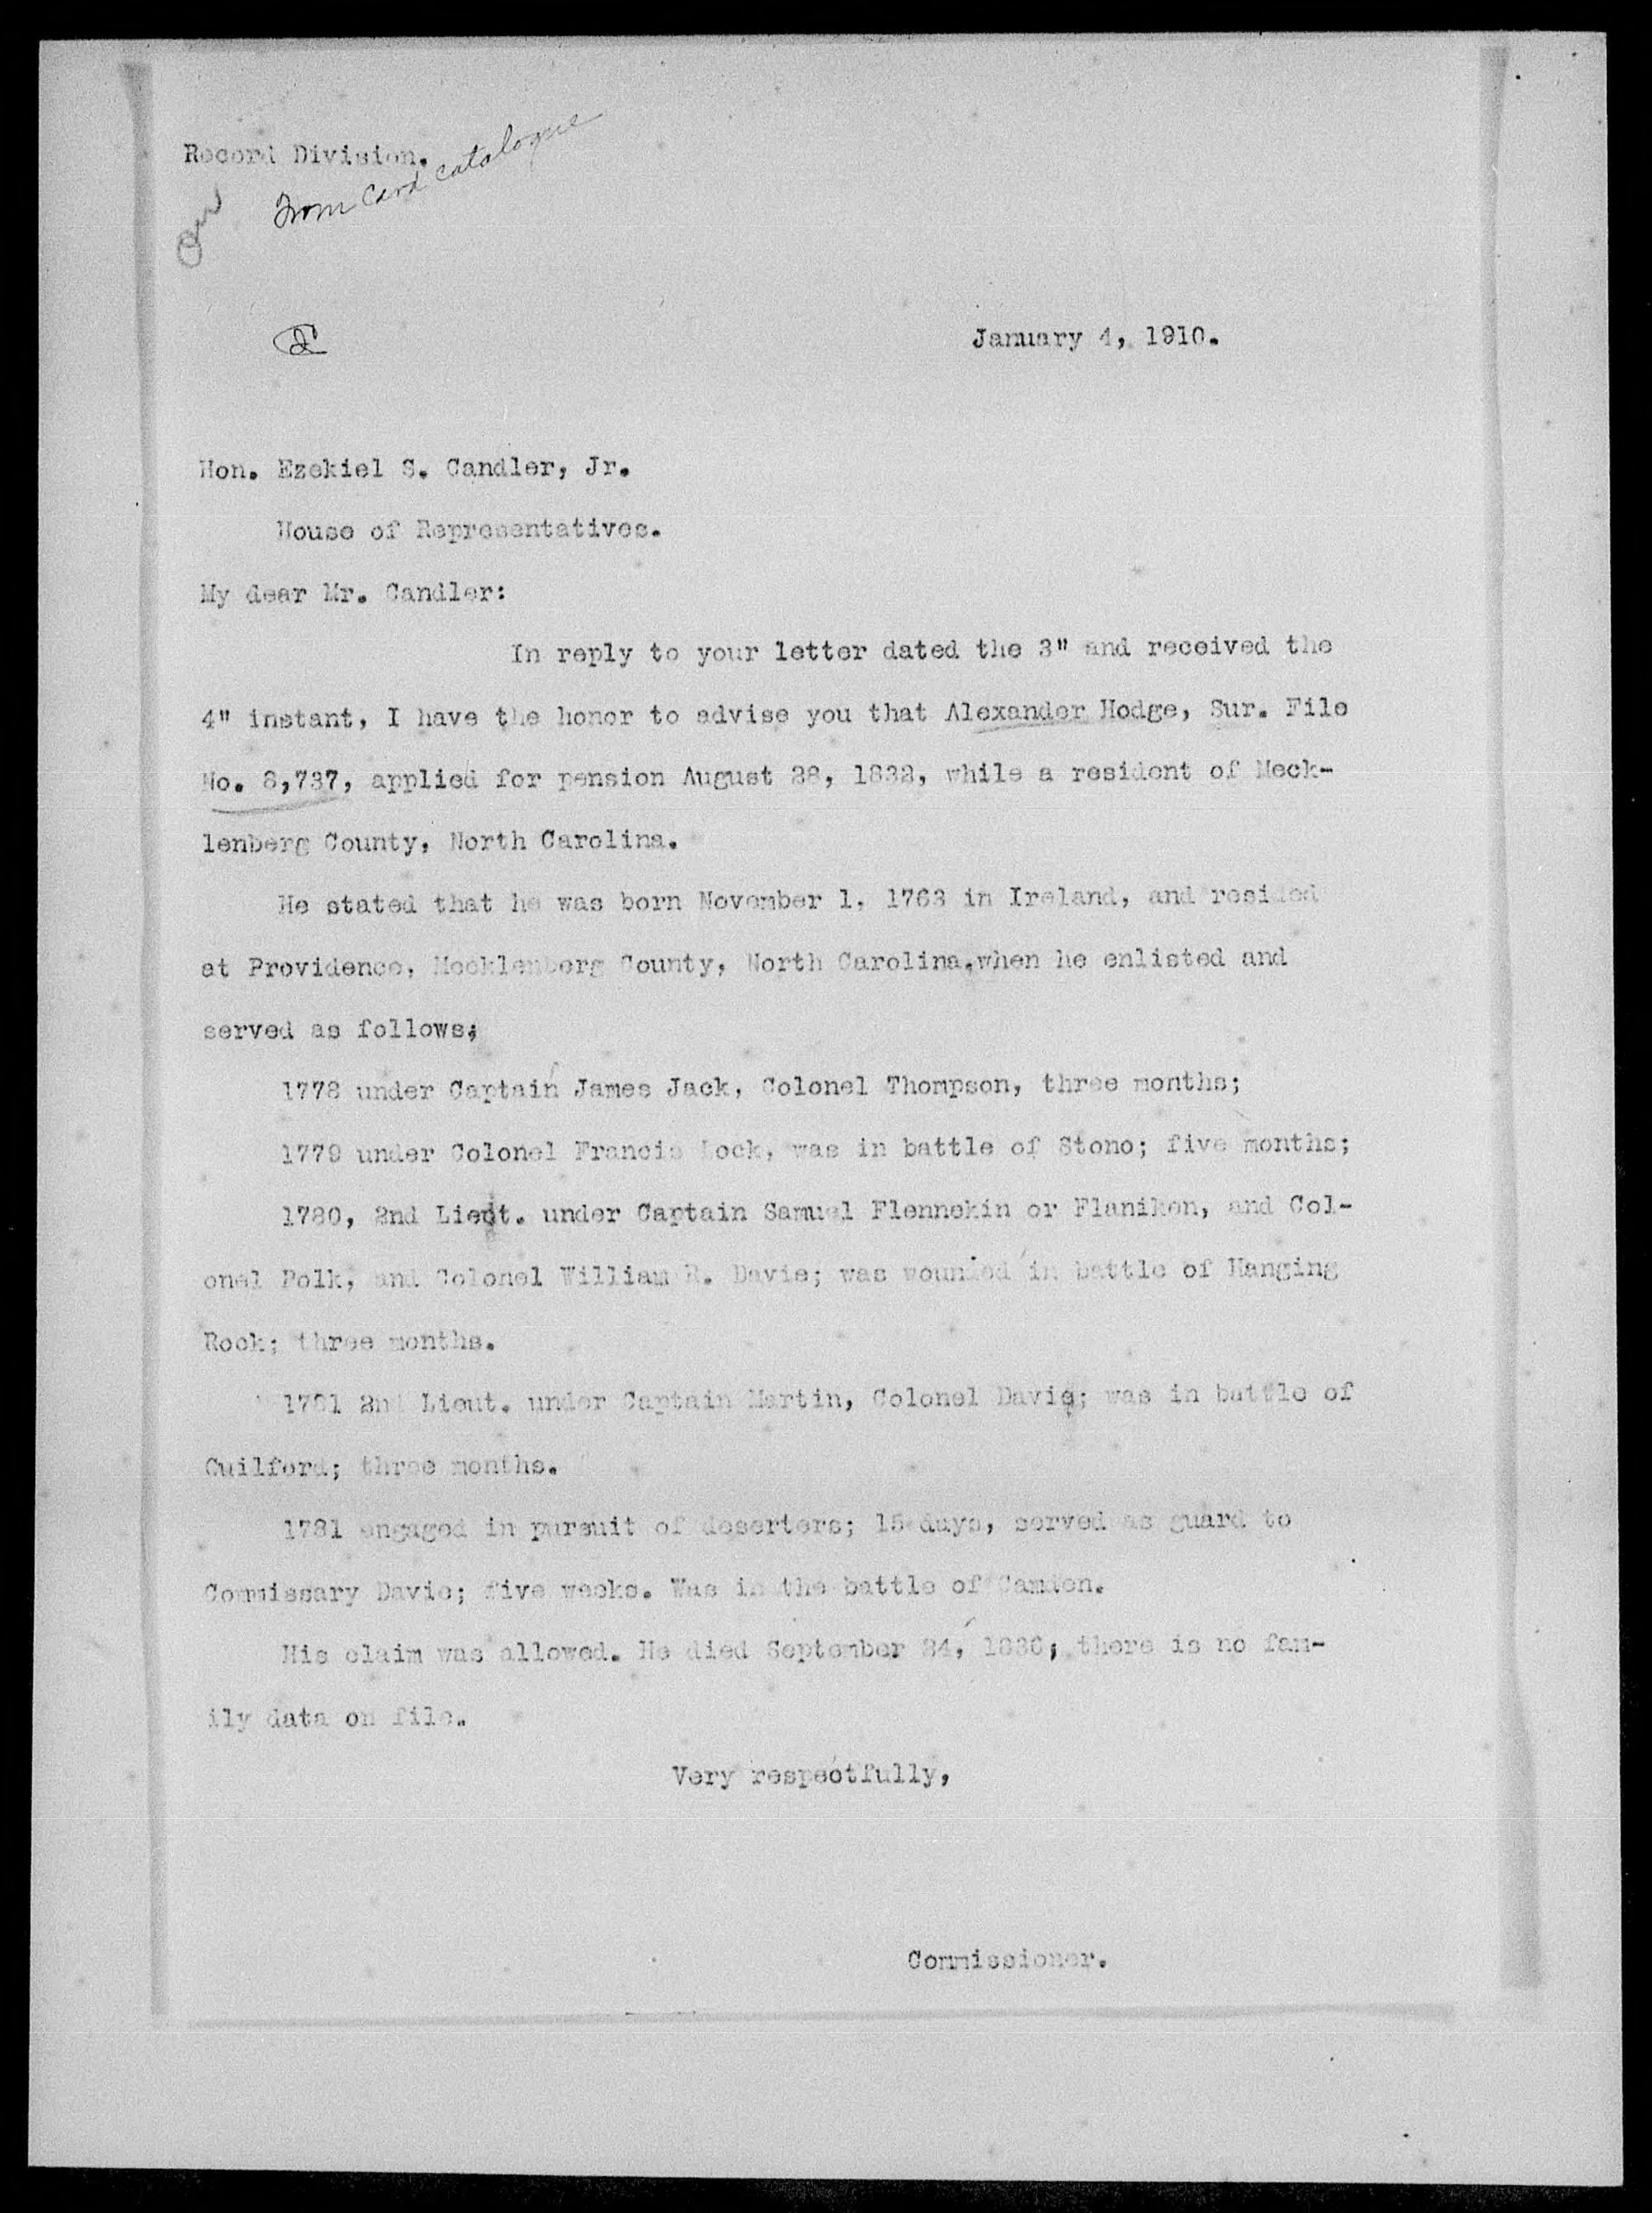Record Division.
Ou
From card catalogue

cd	 January 4, 1910.

Hon. Ezekiel S. Candler, Jr.
House of Representatives.

My dear Mr. Candler:
In reply to your letter dated the 3” and received the 4” instant, I have the honor to advise you that Alexander Hodge, Sur. File No. 8,737, applied for pension August 28, 1832, while a resident of Mecklenberg County, North Carolina.
He stated that he was born November 1, 1763 in Ireland, and resided at Providence, Mecklenberg County, North Carolina. When he enlisted and served as follows:
1778 under Captain James Jack, Colonel Thompson, three months;
1779 under Colonel Francis Lock, was in battle of Stono; five months;
1780, 2nd Lieut. under Captain Sam;el Flennekin or Flaniken, and Colonel Polk, and Colonel William R. Davie; was wounded in battle of Hanging Rock; three months.
1781 engaged in pursuit of deserters; 15 days, served as guard to Commissary Davie; five weeks. Was in the battle of Camden.
His claim was allowed. He died September 34, (sic) 1836, there is no family data on file.

Very respectfully,

Commissioner.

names: Polk, Martin, Samuel Flaniken, Davis, James Jack, Francis Lock, Thompson, Alexander Hodge, William R Davis, Samuel Flennekin, Ezekiel S Candler, Davis, Candler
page: 7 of 14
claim: survivor's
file: S. 8737, Alexander Hodge, N.C.